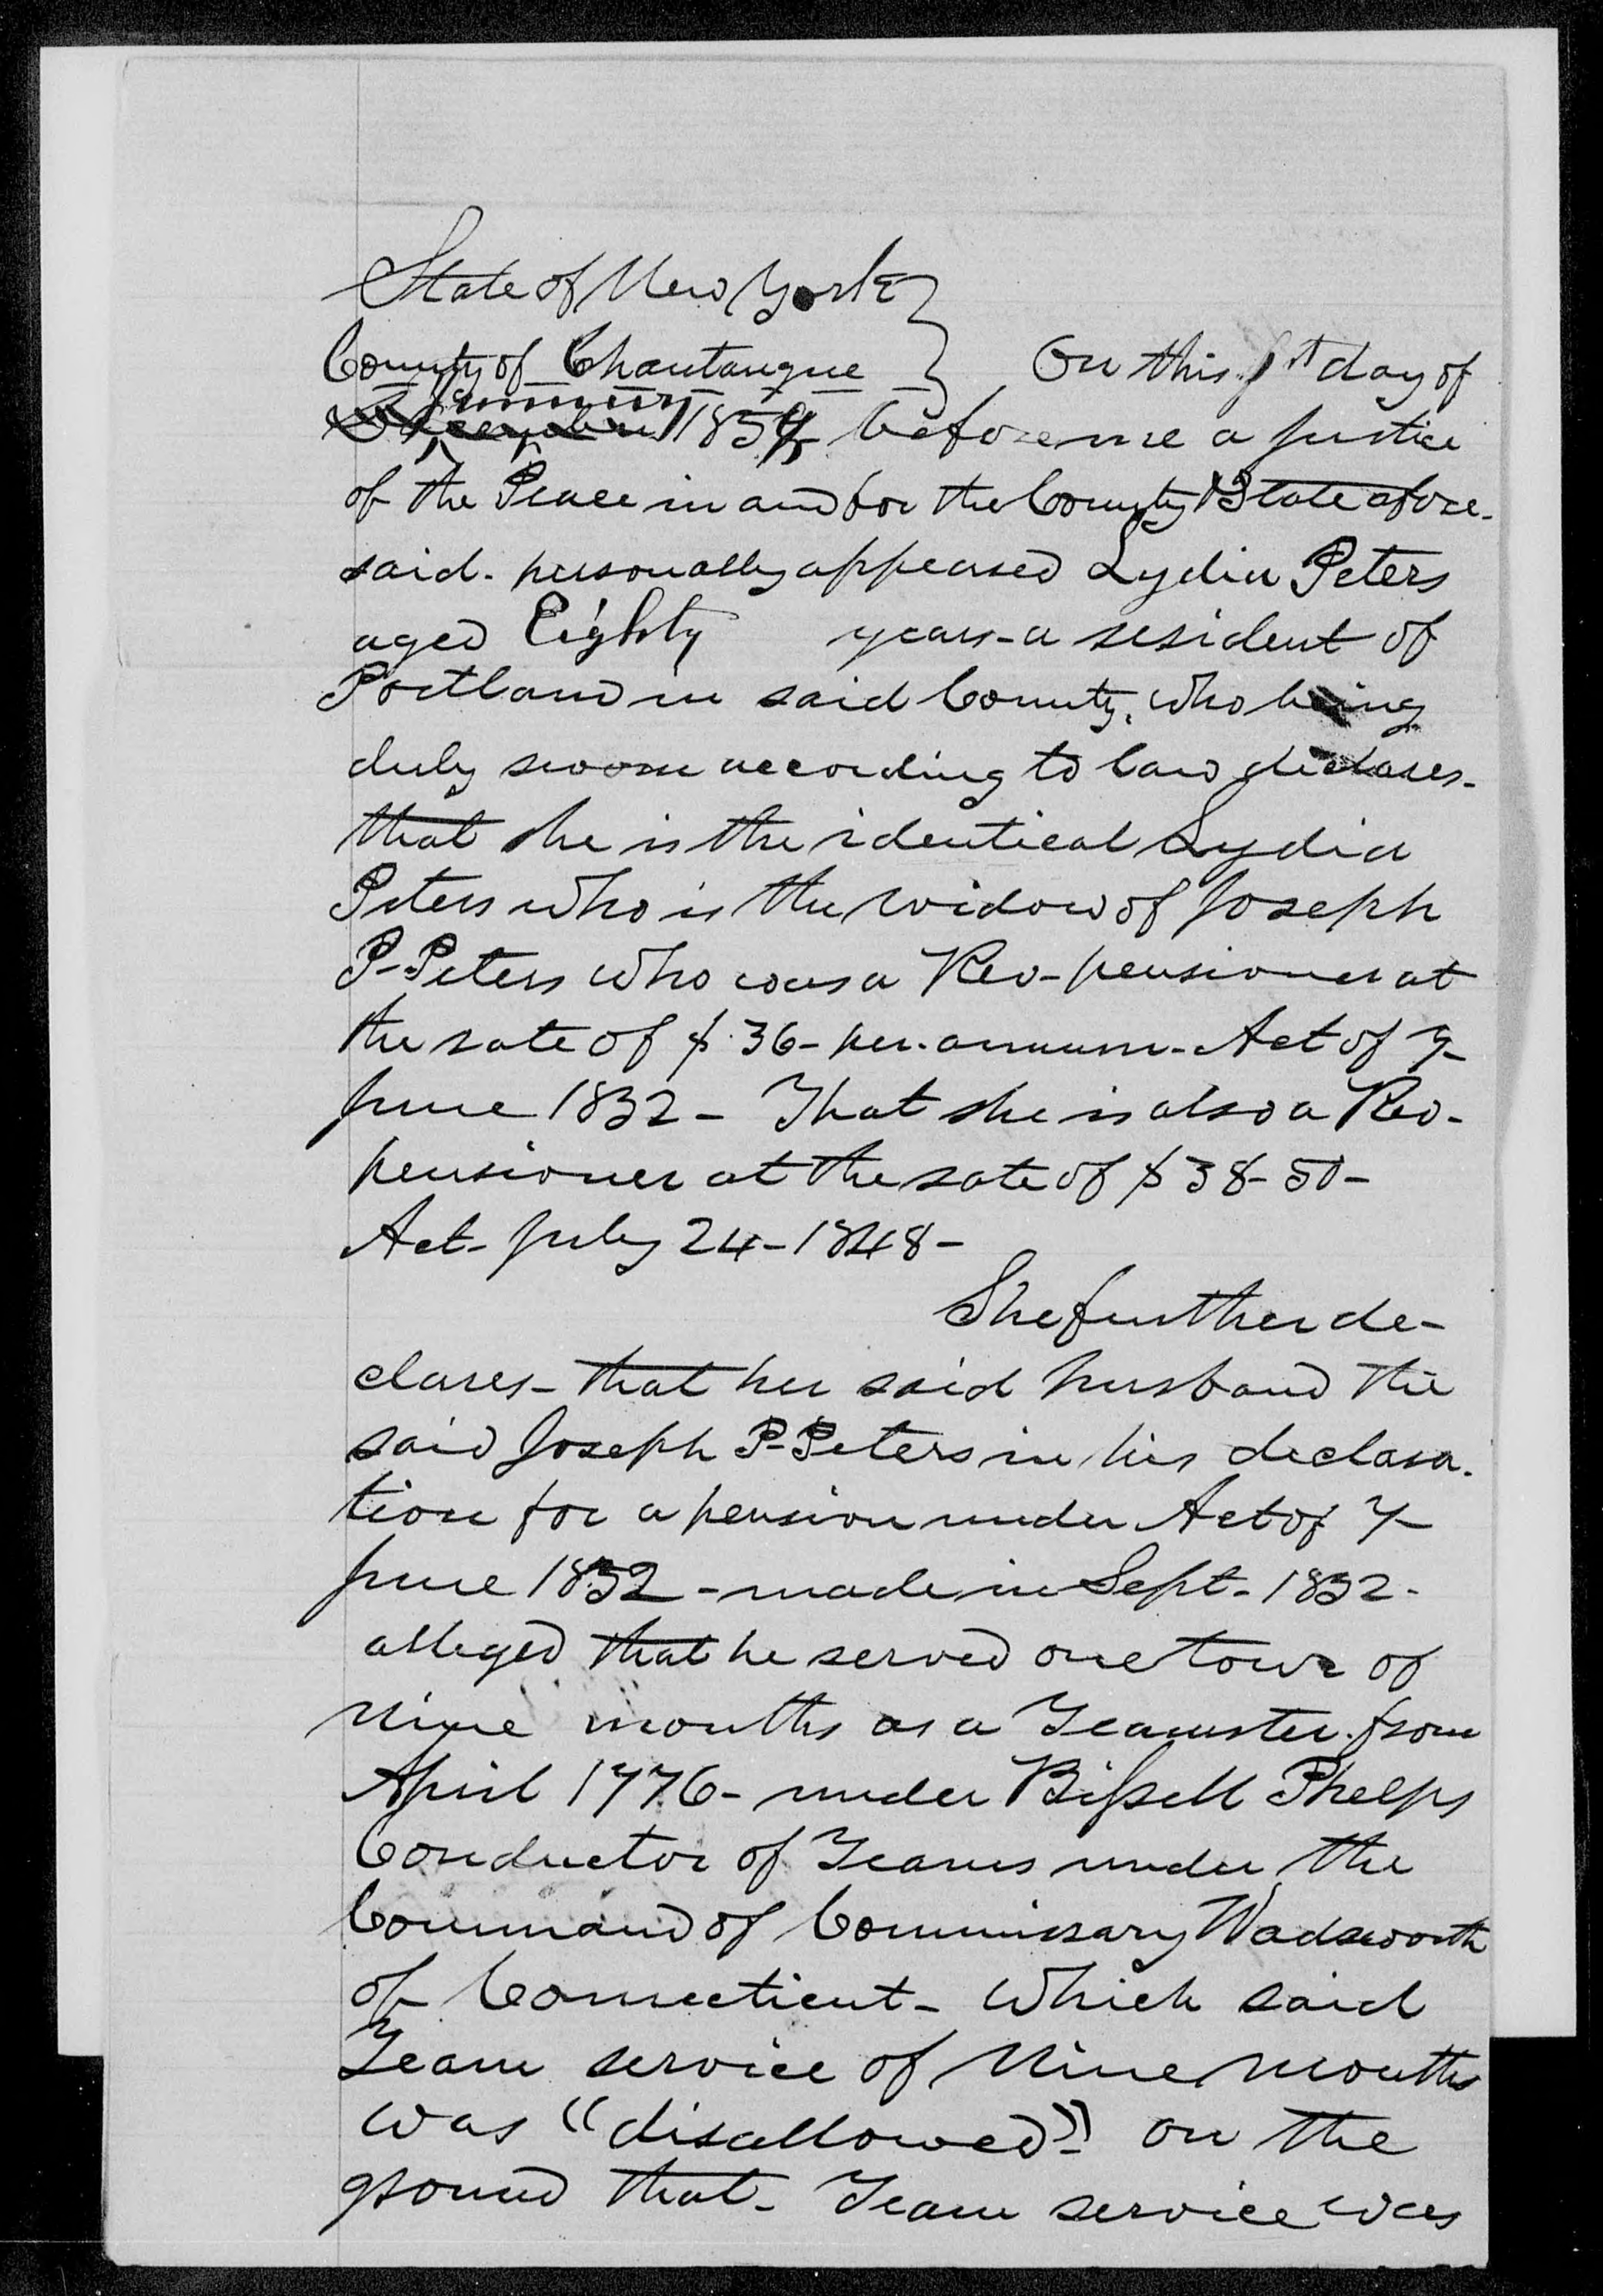State of New York 
County of Chautauqua }  On this 1st day of January 1854 before me a Justice of the Peace in and for the County & State afore said personally appeared Lydia Peters aged Eighty years a resident of Portland in said County, who being duly sworn according to said declares that she is the identical Lydia Peters who is the widow of Joseph Peters who was a Rev Pensioner at the rate of $36- per annum. Act of 7 June 1832. That she is also a Rev pensioner at the rate of $38.50  Act. July 24, 1848. 
She further declares that her said husband the said Joseph P Peters in his declaration for a pension under Act of June 1832 made in Sept. 1832 alleged that he served one tour of  nine months as a Teamster from April 1776 under Bissell Phelps Conductor of Tears under the & Command of Commissary Wadsworth of Connecticut. which said said service of nine months was “disallowed” on the ground that Team service was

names: Bissell Phelps; Lydia Peters; Joseph P Peters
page: 69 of 73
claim: widow's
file: W. 2338, for Joseph P Peters, Connecticut